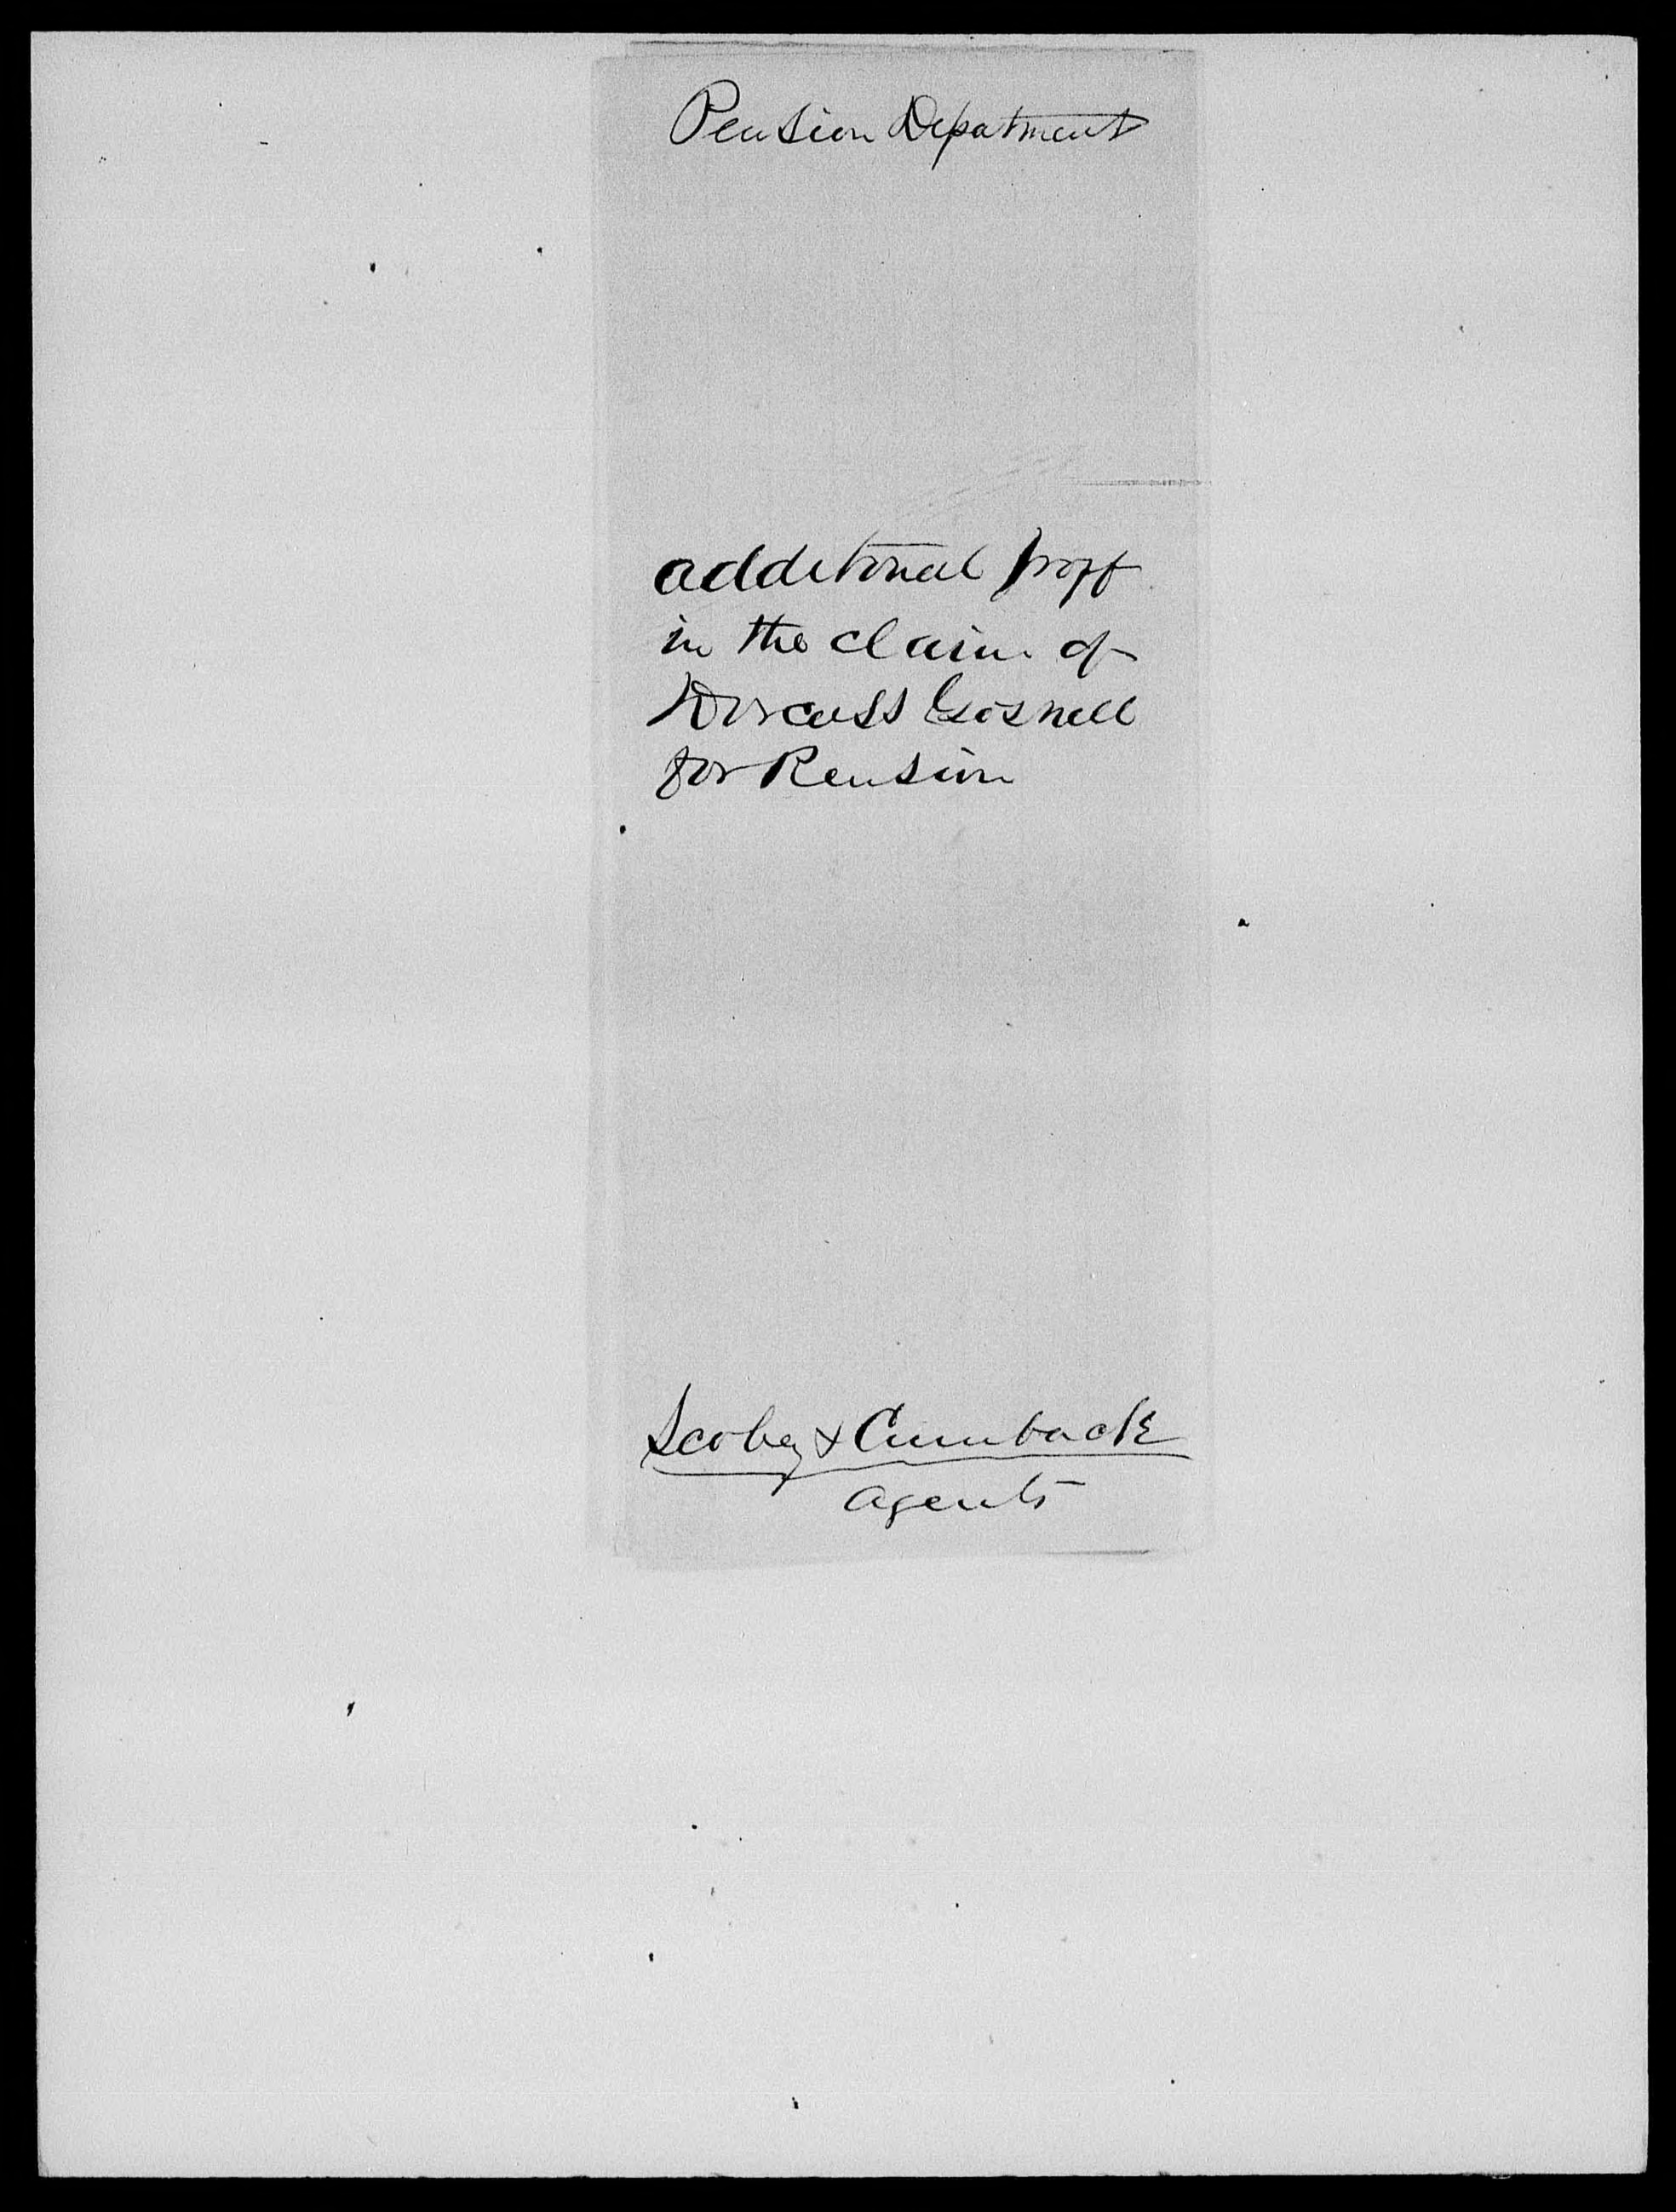Pension Department

additional proff [proffers] in the claim of Dorcas Gosnell for Pension

Scobey & Crumback agents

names: Scobey, Dorcass Gosnell, Cumback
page: 28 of 39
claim: widow's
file: W. 11060, Benjamin Gosnell, Va.